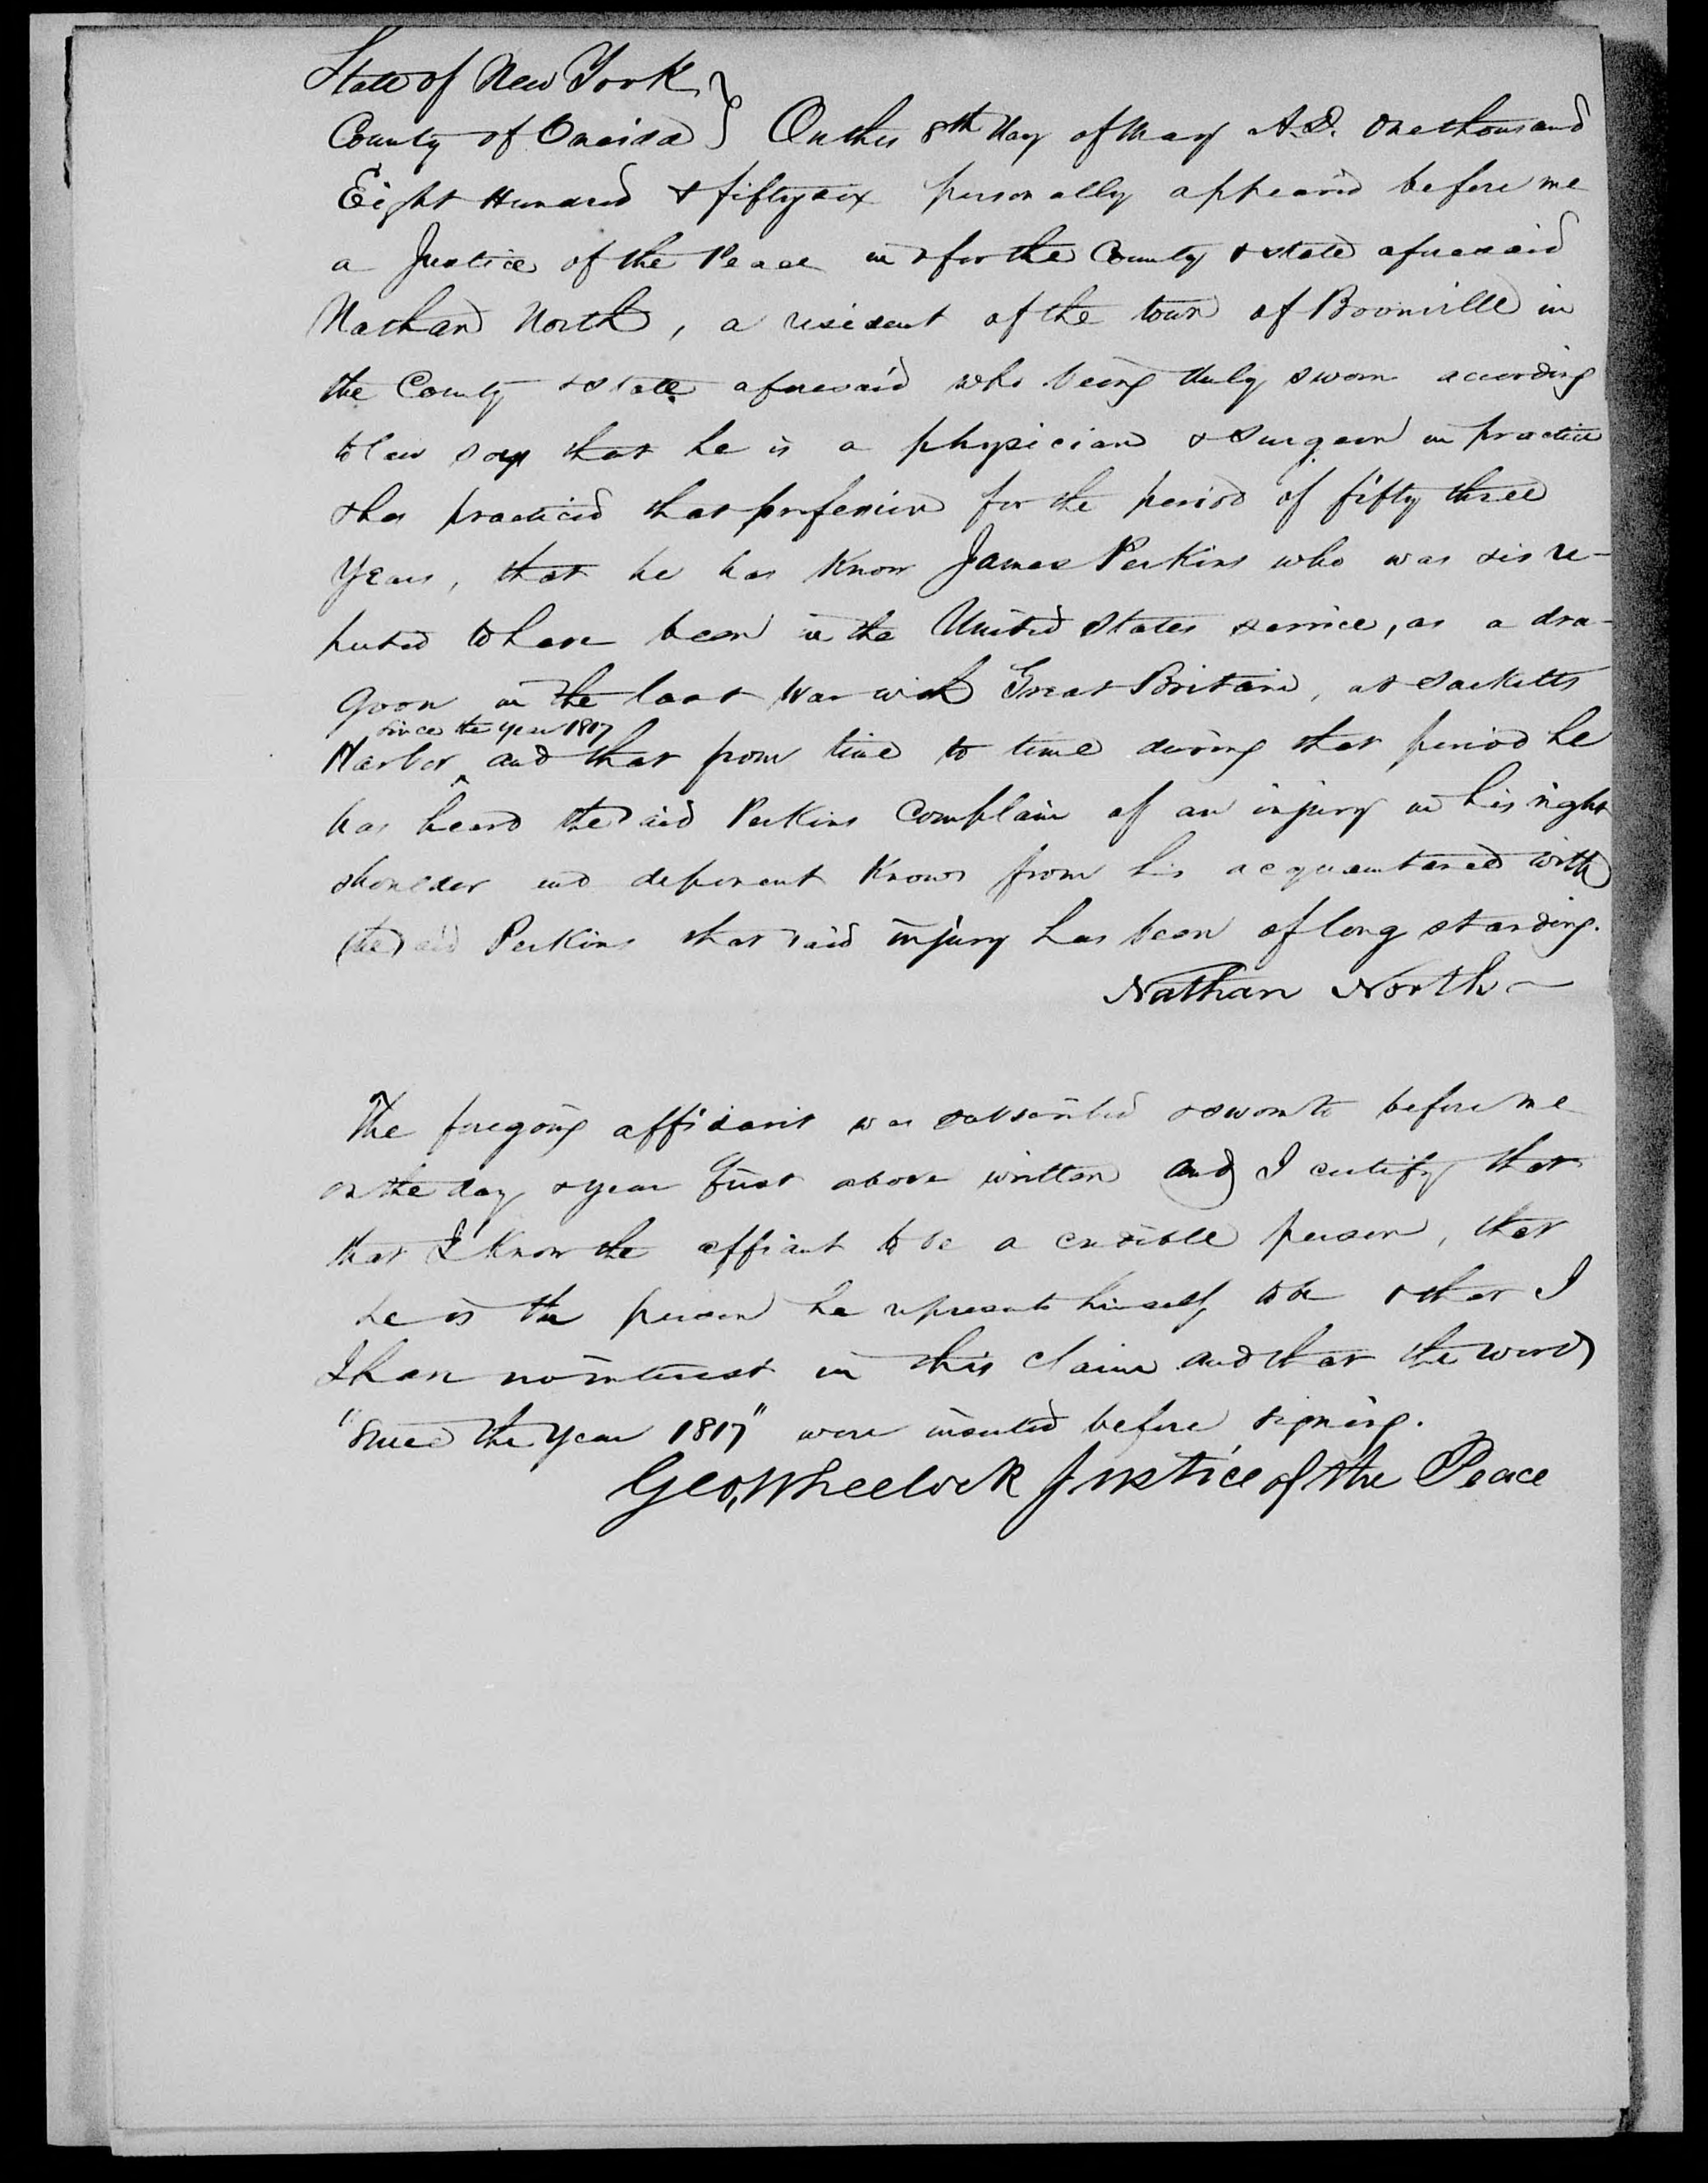State of New York 
County of Oneida } On the 8th day of May A.D. One thousand Eight Hundred & fifty six personally appeared before me a Justice of the Peace in & for the County & State aforesaid Nathan North, a resident of the town of Boonville in the County & State aforesaid who being duly sworn according to law says that he is a physician & surgeon in practice & he practiced that profession for the period of fifty three years, that he has known James Perkins who was & is reputed to have been in the United States service, as a dragoon in the last war with Great Britain, at Sacketts Harbor since the year 1817 and that from time to time during that period he has heard the said Perkins complain of an injury on his right shoulder and deponent knows from his acquainted with the said Perkins that said injury has been of long standing 
[signed] Nathan North
The foregoing affidavit was subscribed & sworn to before me on the day & year first above written and I certify that that I know the affiant to be a credible person, that he is the person he represents himself to be & that I have no interest in this claim and that the words “since the year 1817” were inserted before signing. 
[signed] Geo. Wheelock Justice of the Peace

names: Geo Wheelock; James Perkins; Nathan North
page: 13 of 44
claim: rejected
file: R. 17,033, for Joseph Perkins, New York